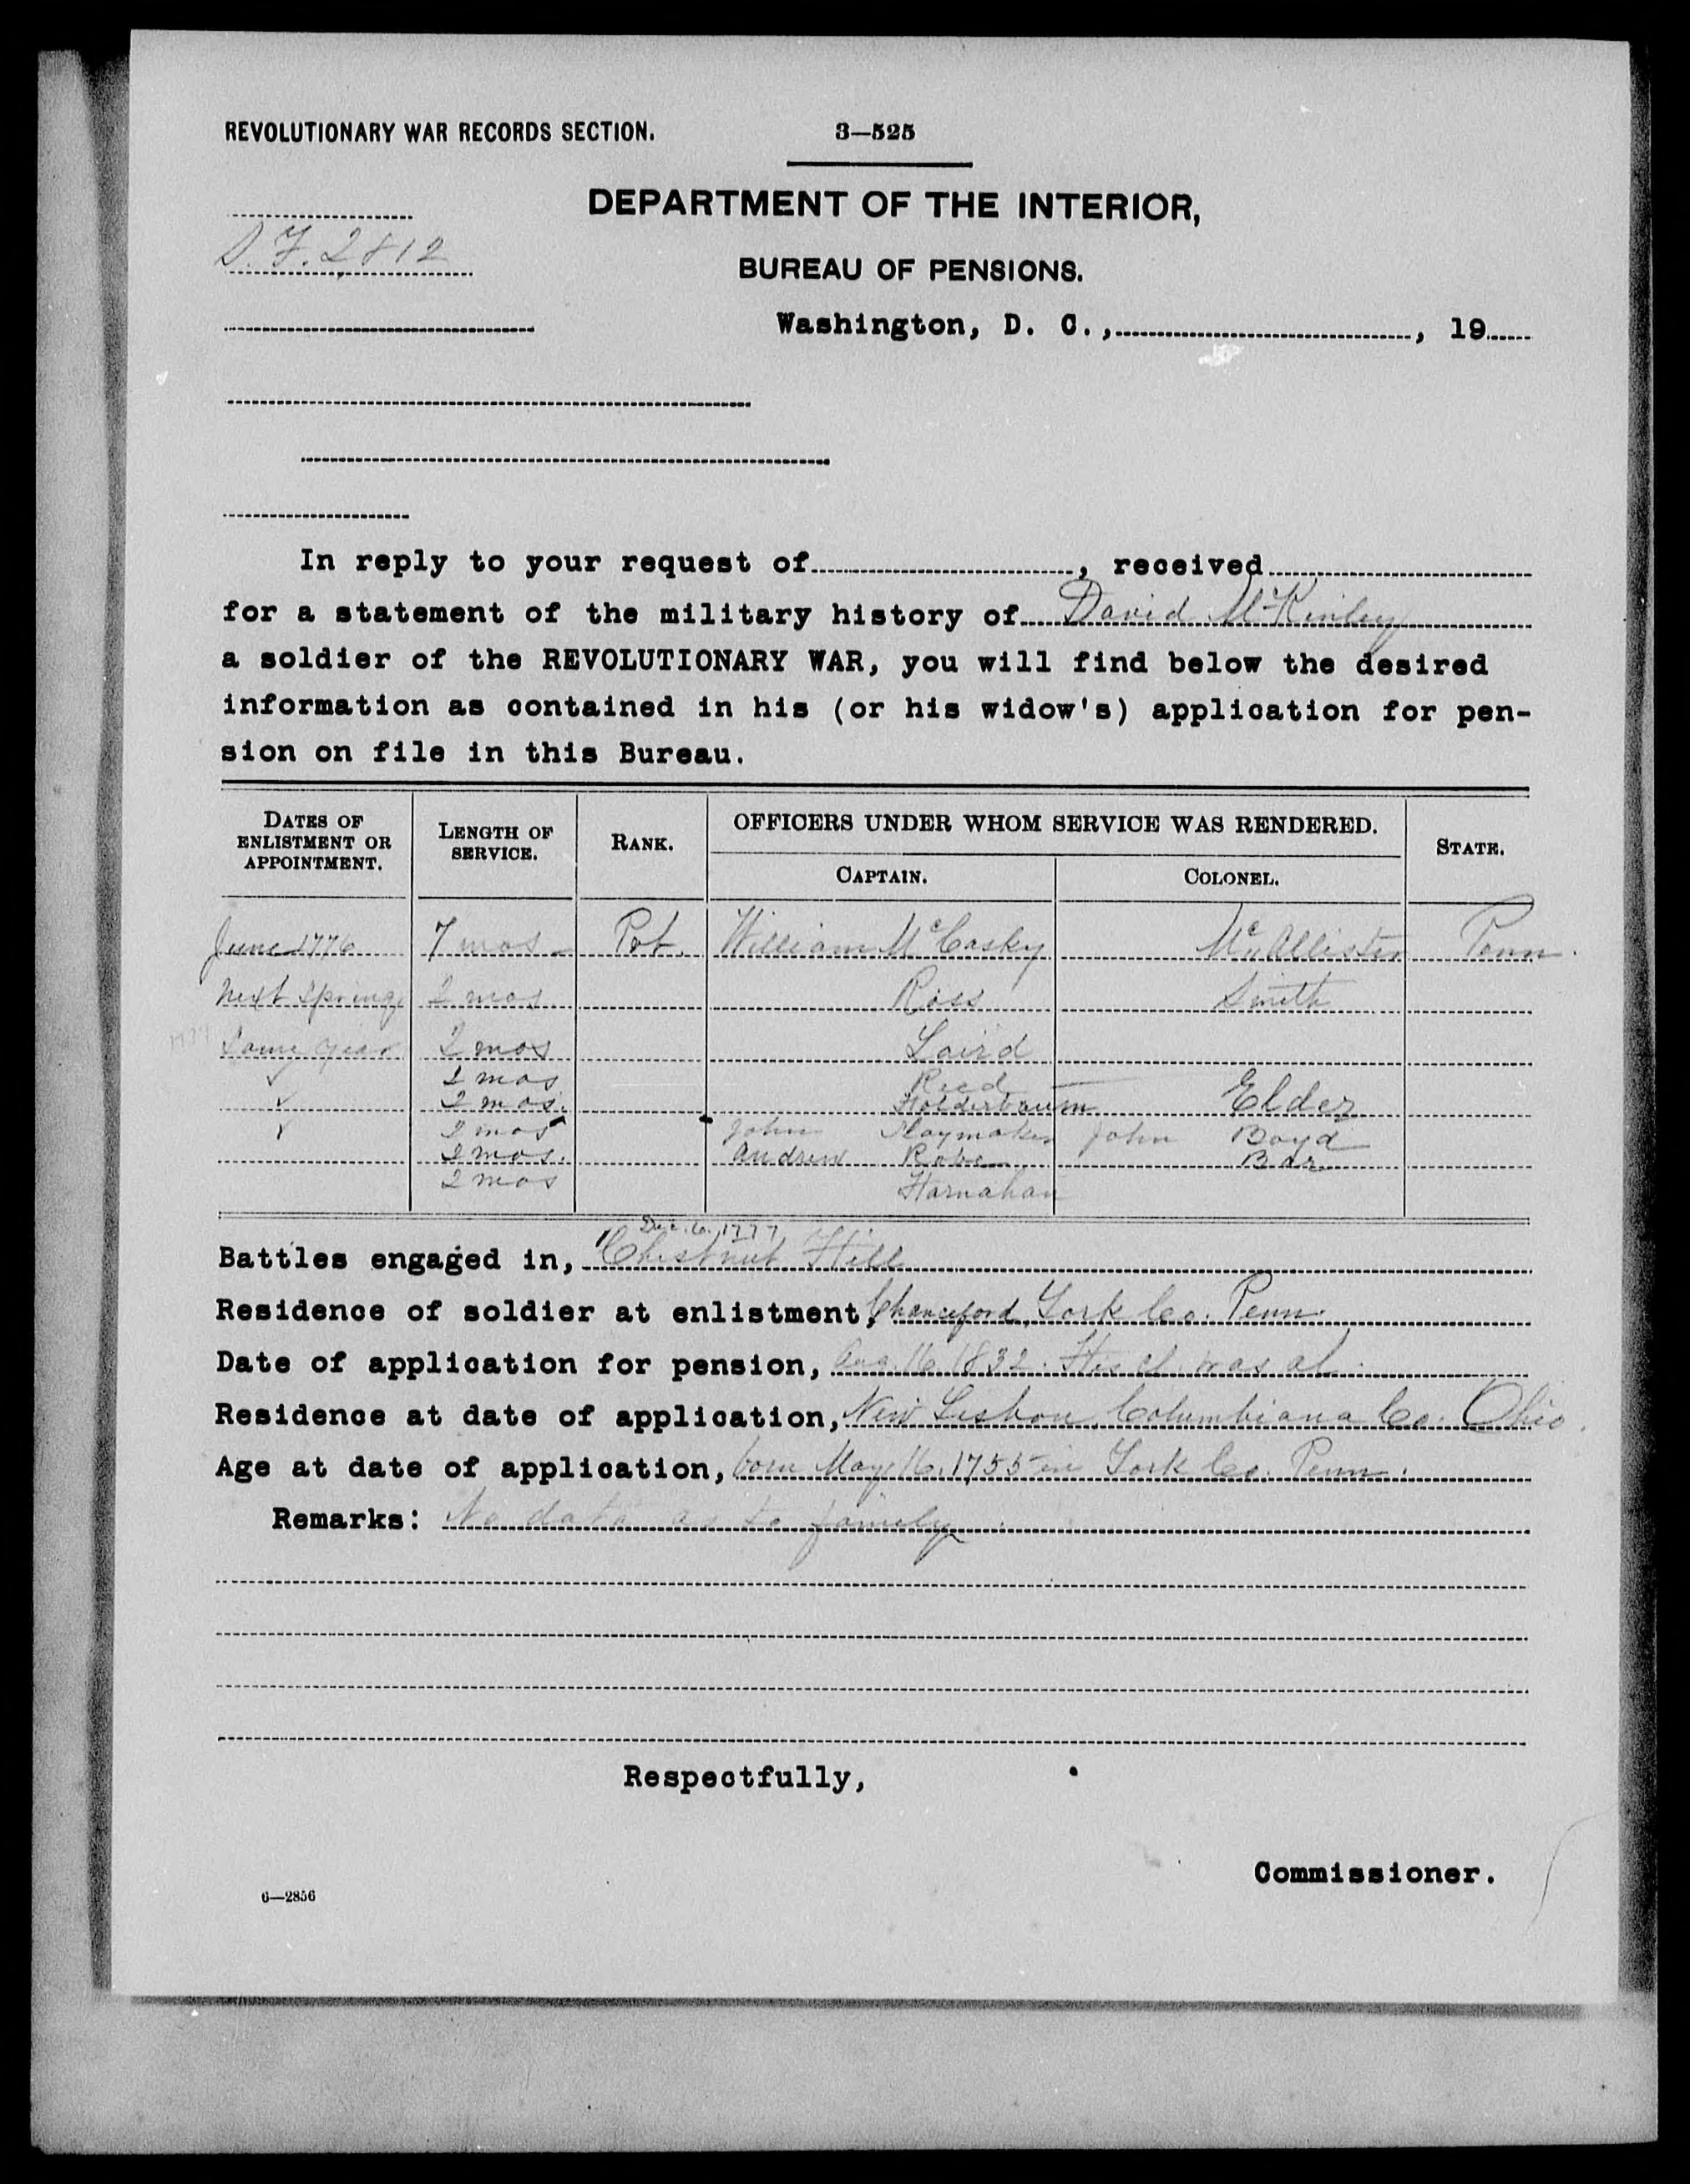REVOLUTIONARY WAR RECORDS SECTION. 3 -- 525
DEPARTMENT OF THE INTERIOR.
S.F. 2812
BUREAU OF PENSIONS.
Washington, D. C. ...., 19....

In reply to your request of _____, received _____
for a statement of the military history of David Kinley
soldier of the REVOLUTIONARY WAR, you will find below the desired
information as contained in his (or his widow's) application for pension
on file in this Bureau.

[Table]
[column 1]
DATES OF ENLISTMENT OR APPOINTMENT. 
June 1776
Next spring
same year
[checkmark]
[checkmark]
[checkmark]

[column 2]
LENGTH OF SERVICE.
7 mos
2 mos
2 mos
2 mos
2 mos
2 mos
2 mos
2 mos

RANK. [column head]
Pvt

OFFICERS UNDER WHOM SERVICE WAS RENDERED. [column 3]
CAPTAIN. 
William McCasky
Ross
Laird
Reed
Holderbaum
John Sloymaker
Andrew Robe
Harnahan

[column 4]
COLONEL.
McAllister
Smith
[blank row]
Elder
John Boyd
Bar

[column 5]
STATE. 
Penn

Battles engaged in: Dec. 6 1777 Chestnut Hill
Residence of soldier at enlistment: Chanceford, York Co Penn
Date of application for pension: Aug. 16, 1832. His cl. was al.
Residence at date of application: New Lisbon Columbiana Co. Ohio
Age at date of application: born May 16, 1755 in York Co. Penn.
Remarks: No data as to family

Respectfully,
Commissioner.

6-2856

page: 13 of 39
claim: survivor's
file: S. 2812, for David Mc Kinley, Pennsylvania